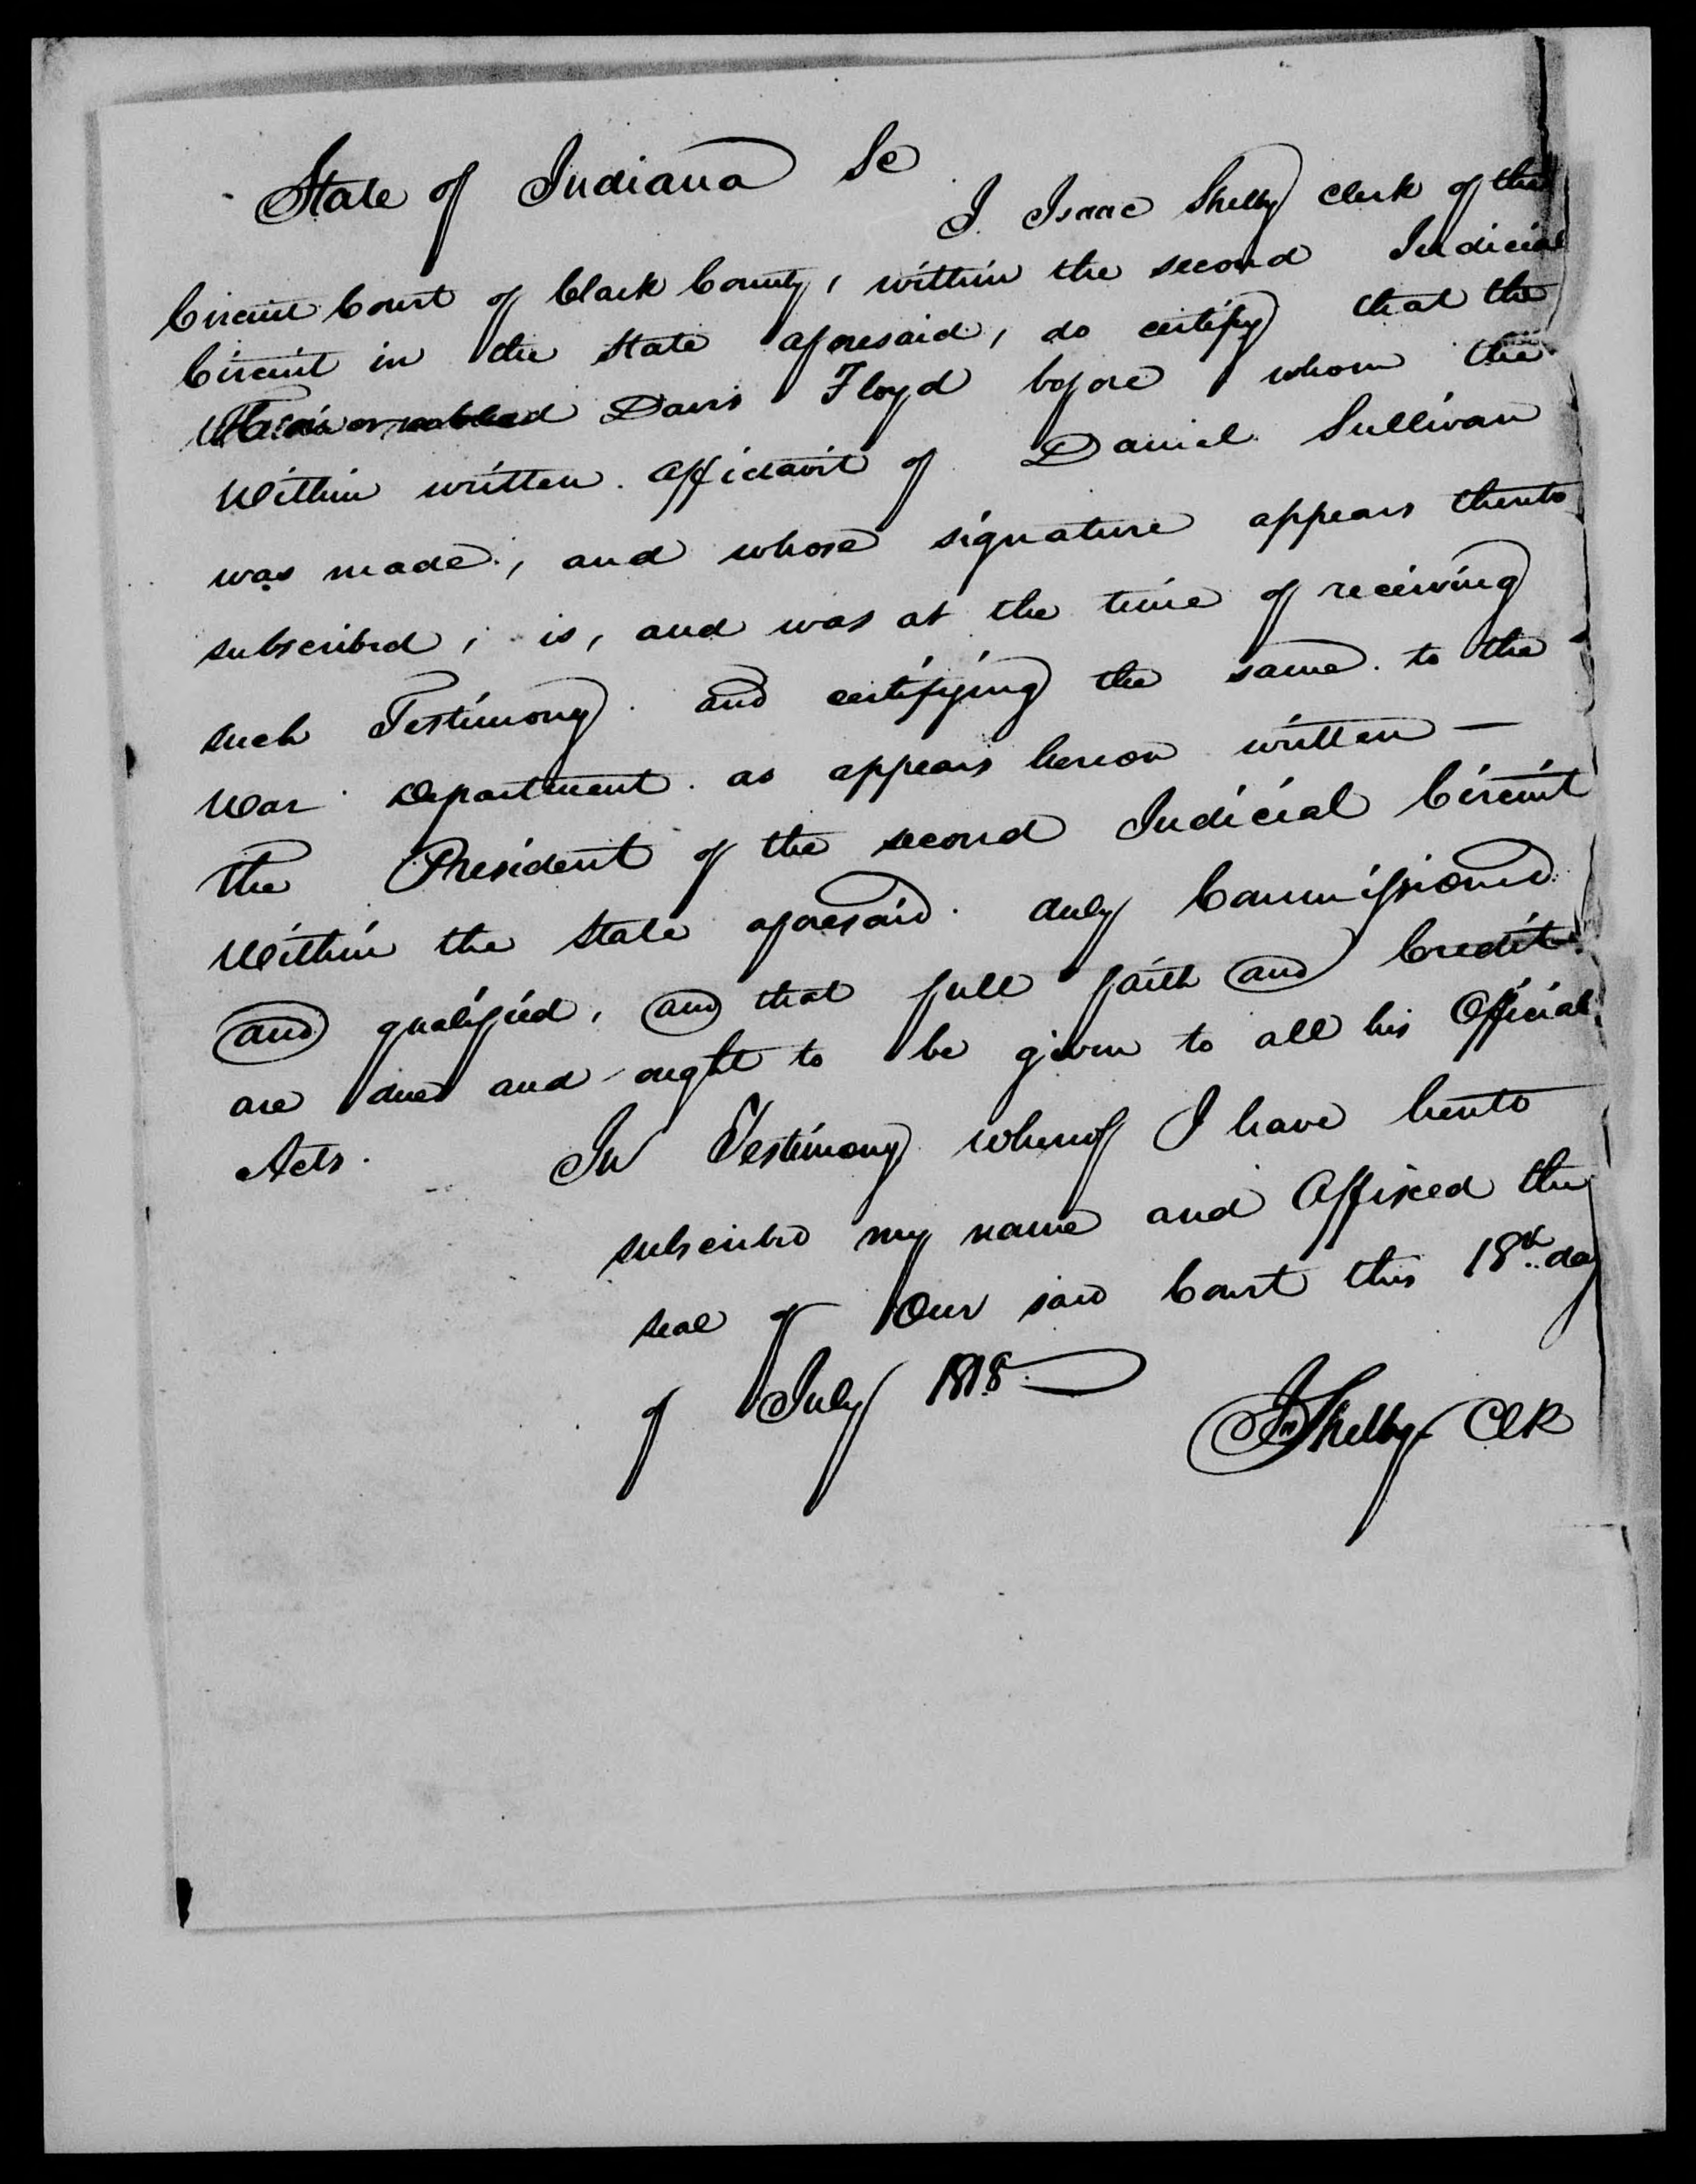State of Indiana sc

I Jessie Shelby clerk of the Circuit Court of Clark County within the second Judicial Circuit in the state aforesaid do certify that the Davis Floyd before whom the within written Affidavit of Daniel Sullivan was made, and whose signature appears thereto subscribed, is, and was at the time of receiving such testimony and certifying the same to the war department as appears hereon written - the President of the second Judicial Circuit within the state aforesaid duly Commissioned and qualified and that full faith and Credit are due and ought to be given to all his Official Acts.

In Testimony whereof I have hereto subscribed my name and Affixed the seal of Our Said Court this 18th day of July 1818.

[signed] J Shelby - Clerk

[illegible Court Seal affixed at left]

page: 5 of 78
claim: widow's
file: W. 25,169, for Daniel Sullivan, Maryland